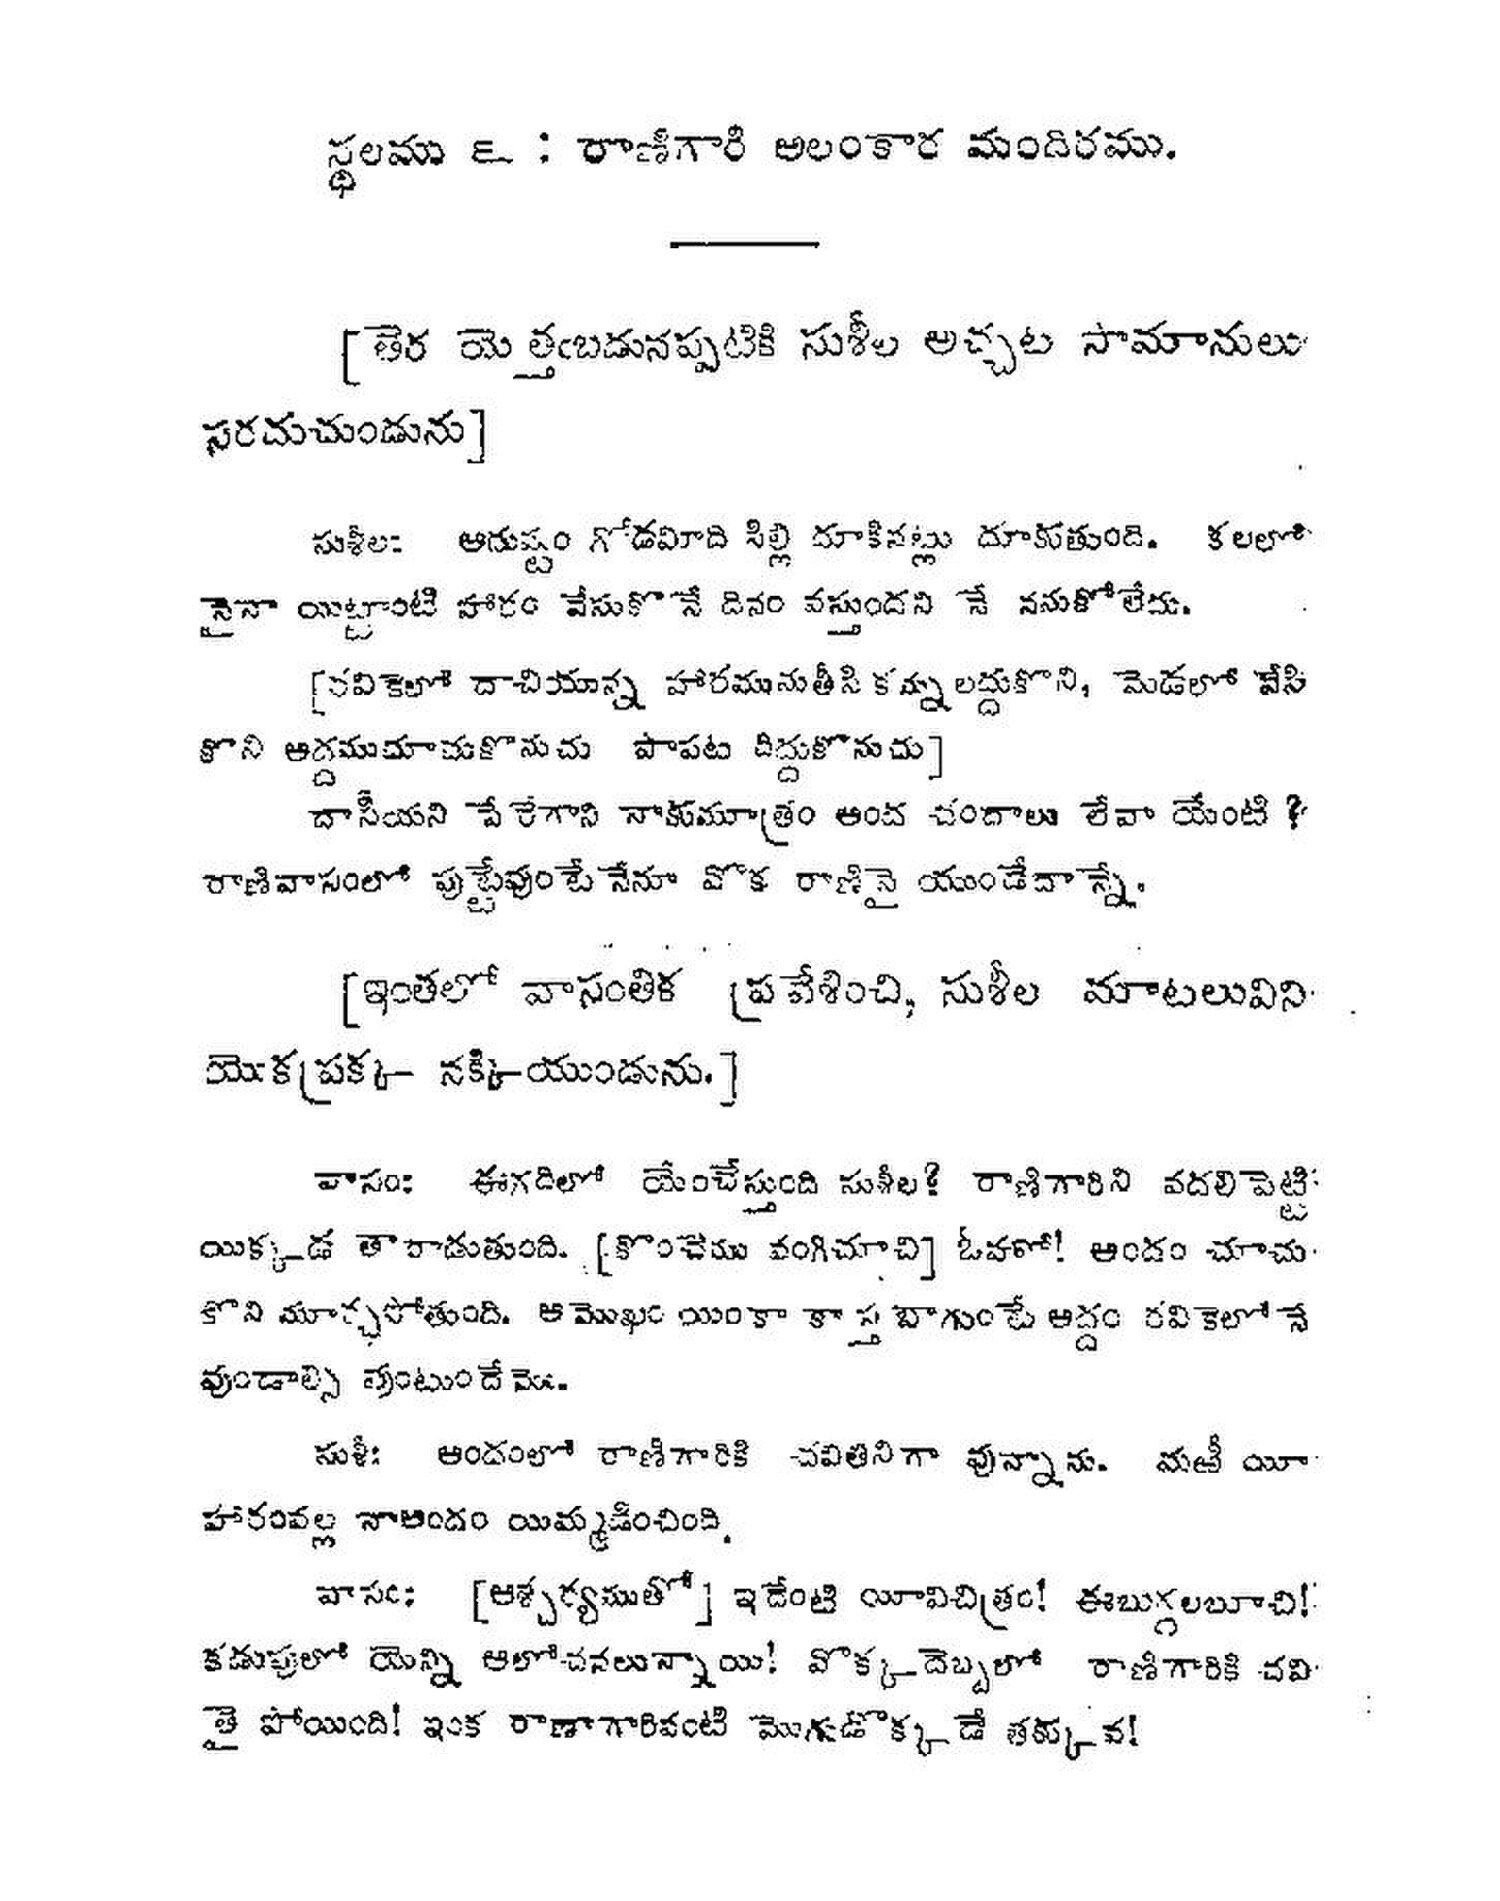సుశీల : అదుష్టం గోడమీది పిల్లి దూకినట్లు దూకుతుంది. కలలో నైనా యిట్టాంటి హారం వేసుకొనే దినం వస్తుందని నే ననుకోలేదు.

[రవికెలో దాచియున్న హారమునుతీసి కన్నులద్దుకొని, మెడలో వేసికొని అద్దముచూచుకొనుచు పాపట దిద్దుకొనుచు]

దాసీయని పేరేగాని నాకుమాత్రం అంద చందాలు లేవా యేంటి? రాణివాసంలో పుట్టేవుంటే నేనూ రాణినై యుండేదాన్నే.

వాసంతి : ఈగదిలో యేంచేస్తుంది సుశీల? రాణిగారిని వదలిపెట్టి యిక్కడ తారాడుతుంది. [కొంచెము వంగిచూచి] ఓహో! అందం చూచుకొని మార్ఛపోతుంది. ఆమొఖం యింకా కాస్తబాగుంటే అద్దం రవికెలోనె వుండాల్సి వుంటుందేమొ.

సుశీ : అందంలో రాణిగారికి చవితినిగా వున్నాను. మఱి యీ హారంవల్ల నాఅందం యిమ్మడించింది.

వాసం : [ఆశ్చర్యముతో] ఇదేంటి యీవిచిత్రం! ఈబుగ్గలబూచి ! కడుపులో యెన్ని ఆలోచనలున్నాయి ! వొక్కదెబ్బలో రాణిగారికి చవితై పోయింది ! ఇంక రాణాగారివంటి మొగుడొక్కడే తక్కువ !